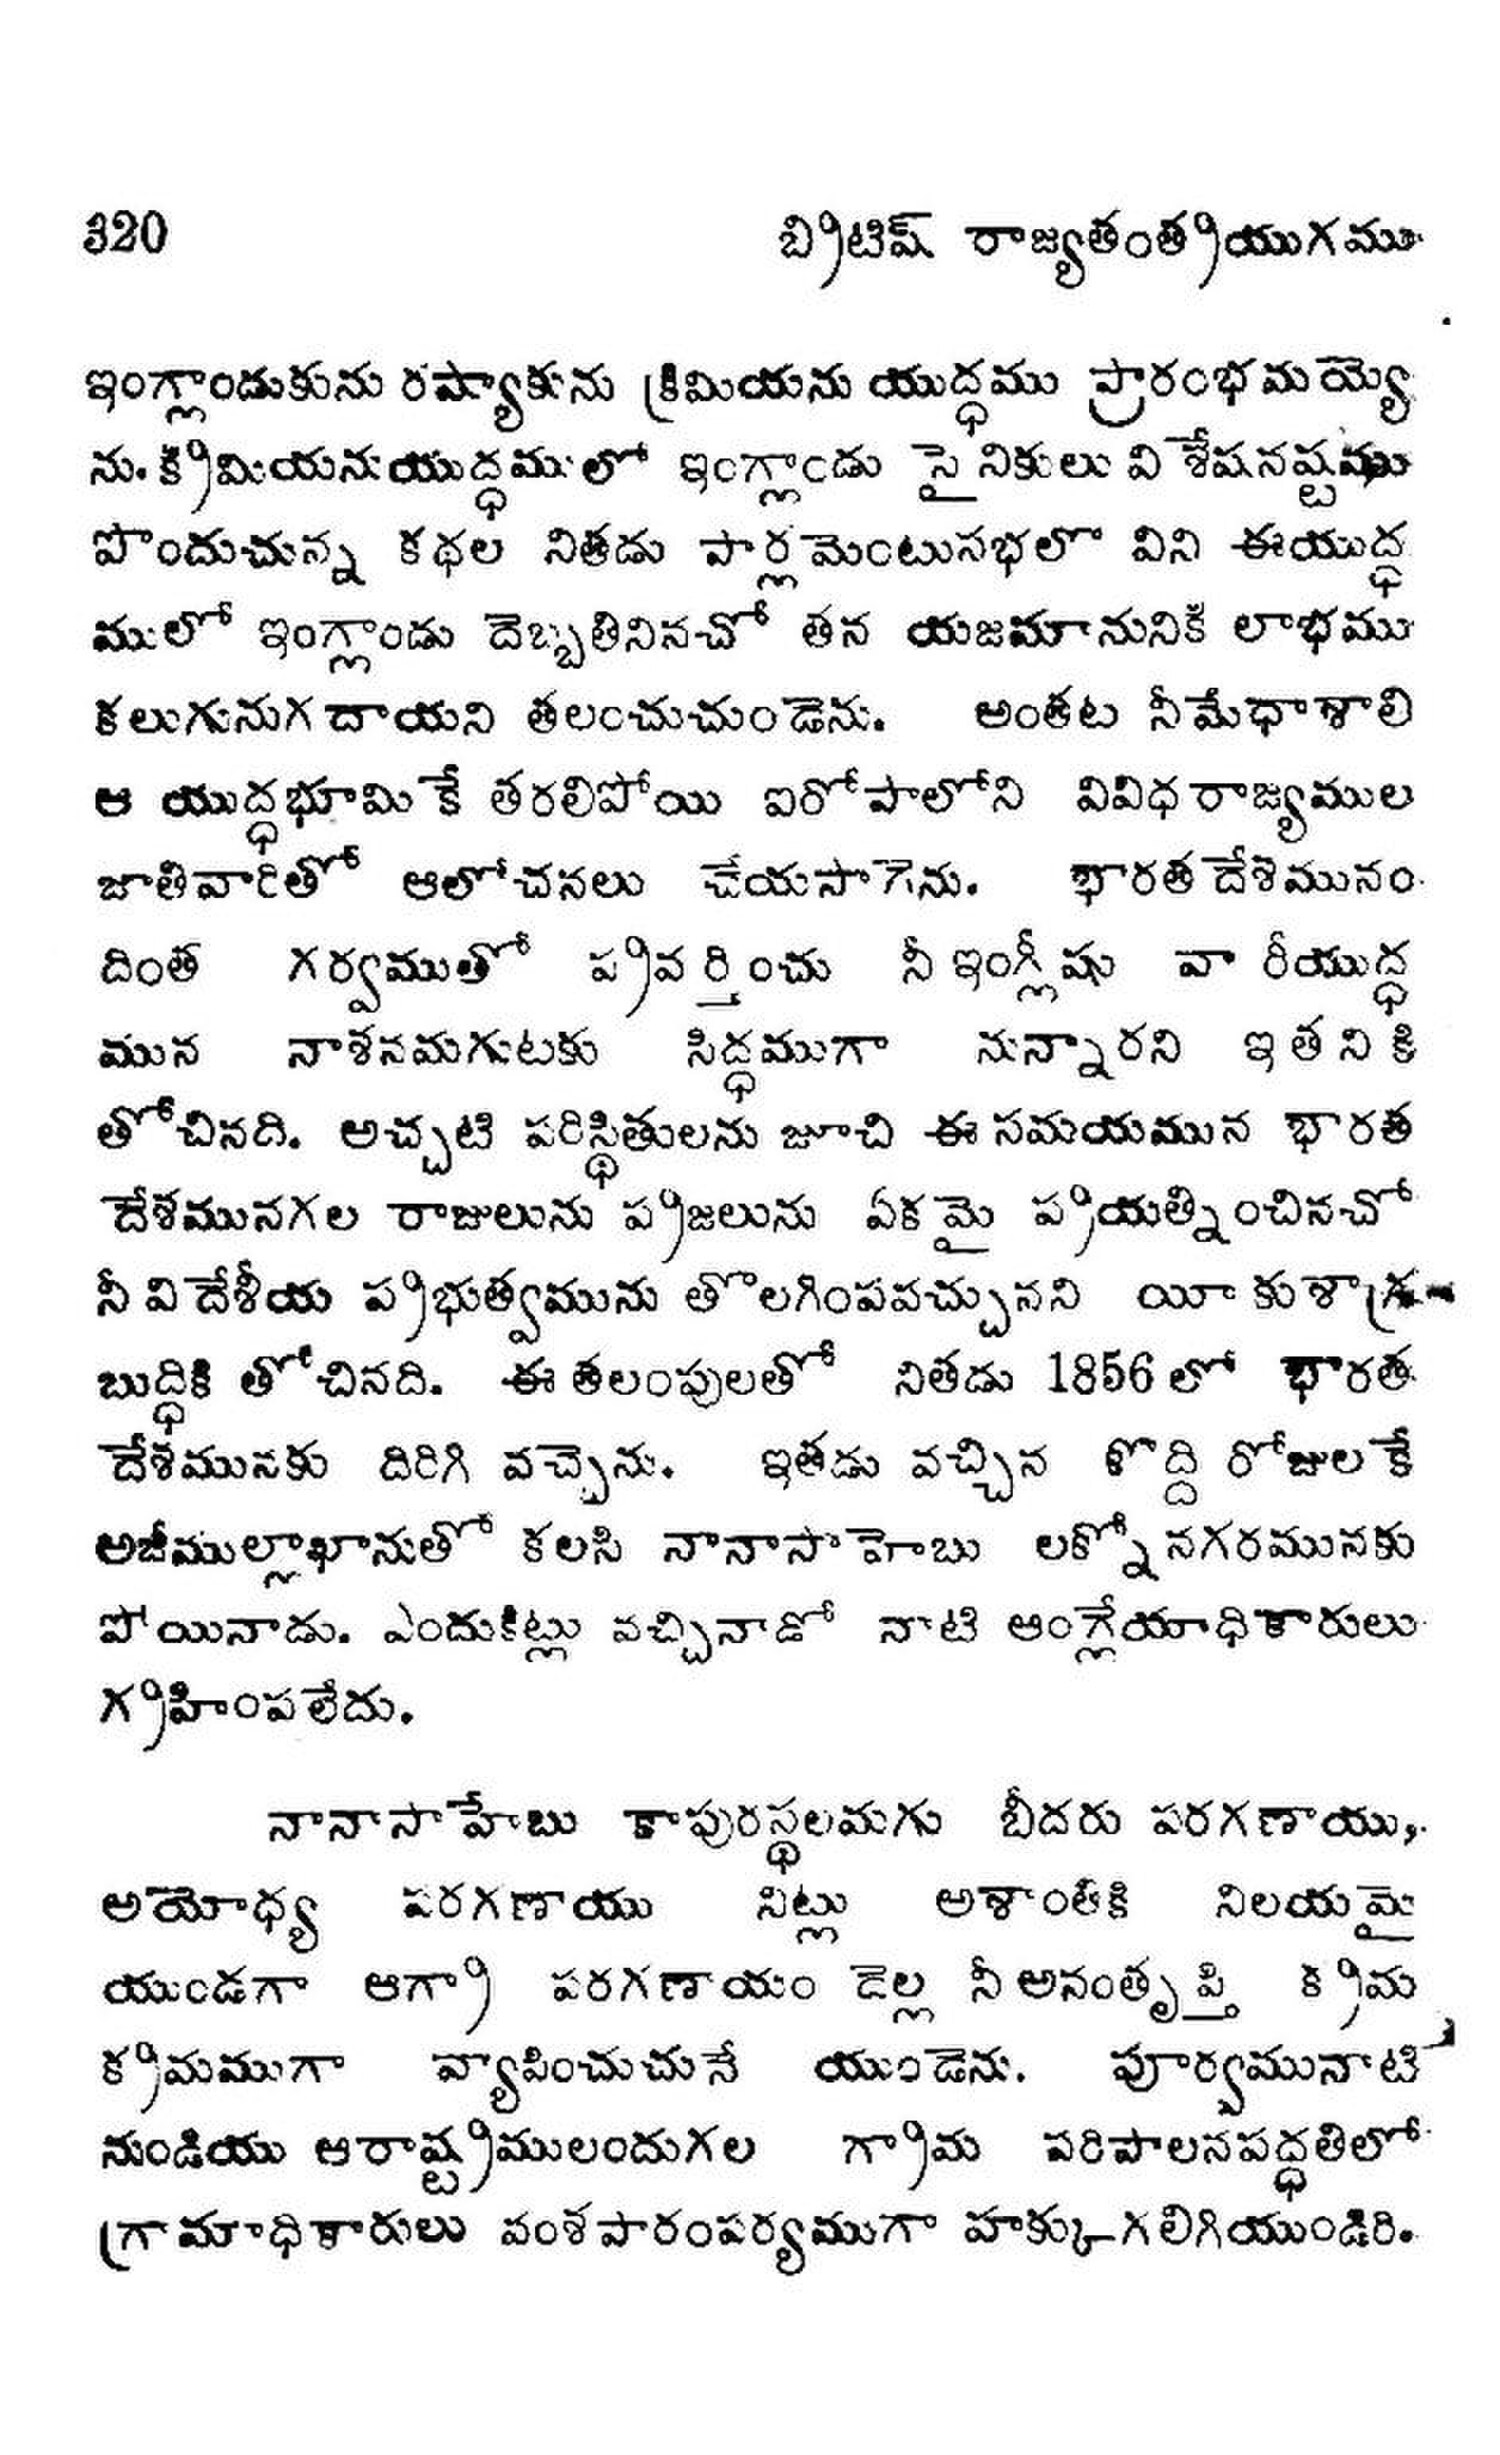ఇంగ్లాండుకును రష్యాకును క్రిమియను యుద్ధము ప్రారంభమయ్యెను. క్రిమియను యుద్ధములో ఇంగ్లాండు సైనికులు విశేషనష్టము పొందుచున్న కథల నితడు పార్లమెంటుసభలో విని ఈ యుద్ధములో ఇంగ్లాండు దెబ్బతినినచో తన యజమానునికి లాభము కలుగునుగదాయని తలంచుచుండెను. అంతట నీమేధాశాలి ఆ యుద్ధభూమి కే తరలిపోయి ఐరోపాలోని వివిధరాజ్యముల జాతివారితో ఆలోచనలు చేయసాగెను. భారతదేశమునం దింత గర్వముతో ప్రవర్తించు నీఇంగ్లీషు వా రీయుద్ధమున నాశనమగుటకు సిద్ధముగా నున్నారని ఇతనికి తోచినది. అచ్చటి పరిస్థితులను జూచి ఈసమయమున భారతదేశమునగల రాజులును ప్రజలును ఏకమై ప్రయత్నించినచో నీ విదేశీయ ప్రభుత్వమును తొలగింపవచ్చునని యీ కుశాగ్రబుద్దికి తోచినది. ఈ తలంపులతో నితడు 1856 లో భారతదేశమునకు దిరిగి వచ్చెను. ఇతడు వచ్చిన కొద్ది రోజులకే అజీముల్లాఖానుతో కలసి నానాసాహెబు లక్నో నగరమునకు పోయినాడు. ఎందుకిట్లు వచ్చినాడో నాటి ఆంగ్లేయాధికారులు గ్రహింపలేదు.

నానాసాహేబు కాపురస్థలమగు బీదరు పరగణాయు,, అయోధ్య పరగణాయు నిట్లు అశాంతికి నిలయమై
యుండగా ఆగ్రా పరగణాయం దెల్ల నీ అసంతృప్తి క్రమక్రమముగా వ్యాపించుచునే యుండెను. పూర్వమునాటి నుండియు ఆరాష్ట్రములందుగల గ్రామ పరిపాలనపద్దతిలో గ్రామాధికారులు వంశపారంపర్యముగా హక్కుగలిగియుండిరి.